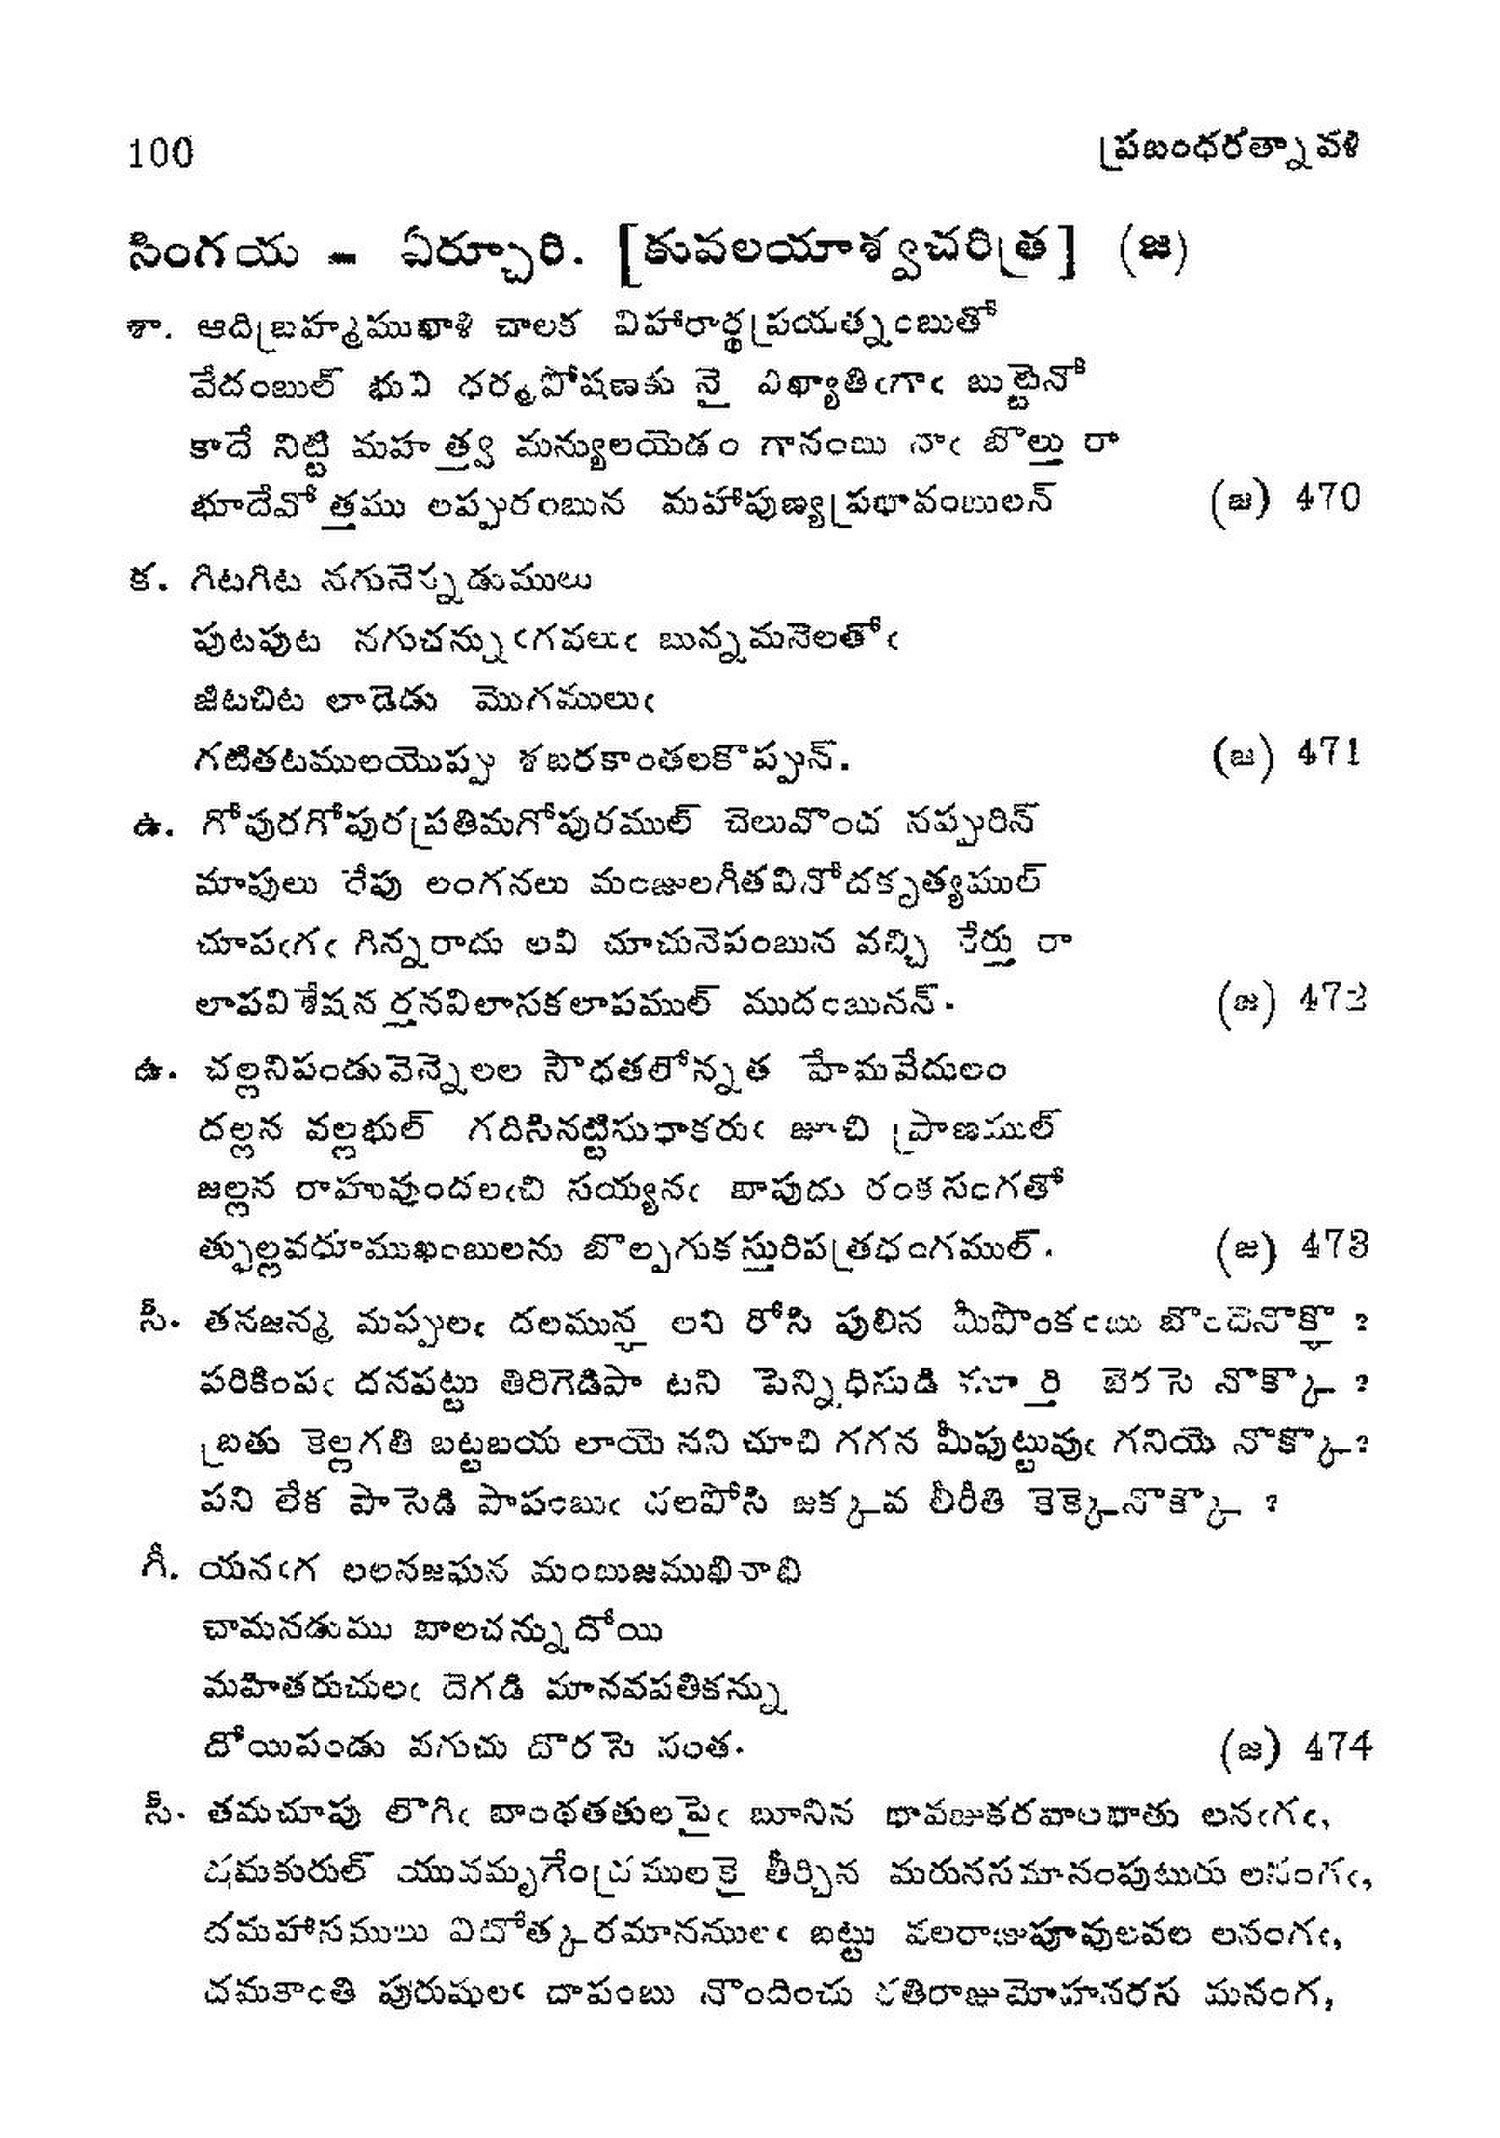సింగయ, ఏర్చూరి [కువలయాశ్వచరిత్ర] (జ)
శా. ఆదిబ్రహ్మముఖాళి చాలక విహారార్థ ప్రయత్నంబుతో
వేదంబుల్ భువి ధర్మపోషణకునై విఖ్యాతిగాఁ బుట్టెనో
కాదే నిట్టి మహత్త్వ మన్యుల యెడం గానంబు నాఁ బొల్తు రా
భూదేవోత్తమ లప్పురంబున మహాపుణ్యప్రభావంబులన్. (జ) 470

క. గిటగిటనగు నెన్నడుములు
పుటపుటనగు చన్నుఁగవలుఁ బున్నమనెలతోఁ
జిటచిట లాడెడు మొగములుఁ
గటితటముల యొప్పు శబరకాంతల కొప్పున్. (జ) 471

ఉ. గోపురగోపురప్రతిమగోపురముల్ చెలువొంద నప్పురిన్
మాపులు రేపులం గవలు మంజులగీతవినోదకృత్యముల్
చూపఁగఁ గిన్నరాదులవి చూచు నెపంబున వచ్చి నేర్తు రా
లాపవిశేషనర్తనవిలాసకలాపముల్ ముదంబునన్. (జ) 472

ఉ. చల్లనిపండువెన్నెలల సౌధతలోన్నత హేమవేదులం
దల్లన వల్లభుల్ గదిసినట్టి సుధాకరుఁ జూచి ప్రాణముల్
జల్లన రాహువుందలఁచి సయ్యనఁ బాపుదు రంకసంగ తో
త్ఫుల్ల వధూముఖంబులను బొల్పగు కస్తురిపత్రభంగముల్. (జ) 473

సీ. తన జన్మ మప్పులఁ దలమున్కలని రోసి పులిన మీ పొంకంబుఁ బొందెనొక్కొ?
పరికింపఁదన పట్టు తిరిగెడిపాటని పెన్నిధిసుడి మూర్తి బెరసె నొక్కొ?
బ్రతు కెల్లగతి బట్టబయలాయె నని చూచి గగన మీ పుట్టువుఁ గనియె నొక్కొ?
పనిలేక పాసెడి పాపంబుఁ దలపోసి జక్కవ లీ రీతి కెక్కె నొక్కొ?
గీ. యనఁగ లలనజఘన మంబుజముఖినాభి
చామనడుము బాలచన్నుదోయి
మహితరుచులఁ దెగడి మానవపతి కన్ను
దోయి పండువగుచు దొరసె నంత. (జ) 474

సీ. తమచూపు లొగిఁ బాంథతతులపైఁ బూనిన భావజుకరవాలభాతు లనఁగఁ
దమకురుల్ యువమృగేంద్రములకై తీర్చిన మరునసమానంపుటురు లనంగఁ
దమహాసములు విటోత్కరమానములఁ బట్టు వలరాజుపూవులవల లనంగఁ
దమకాంతి పురుషులఁ దాపంబు నొందించు రతిరాజుమోహనరస మనంగ